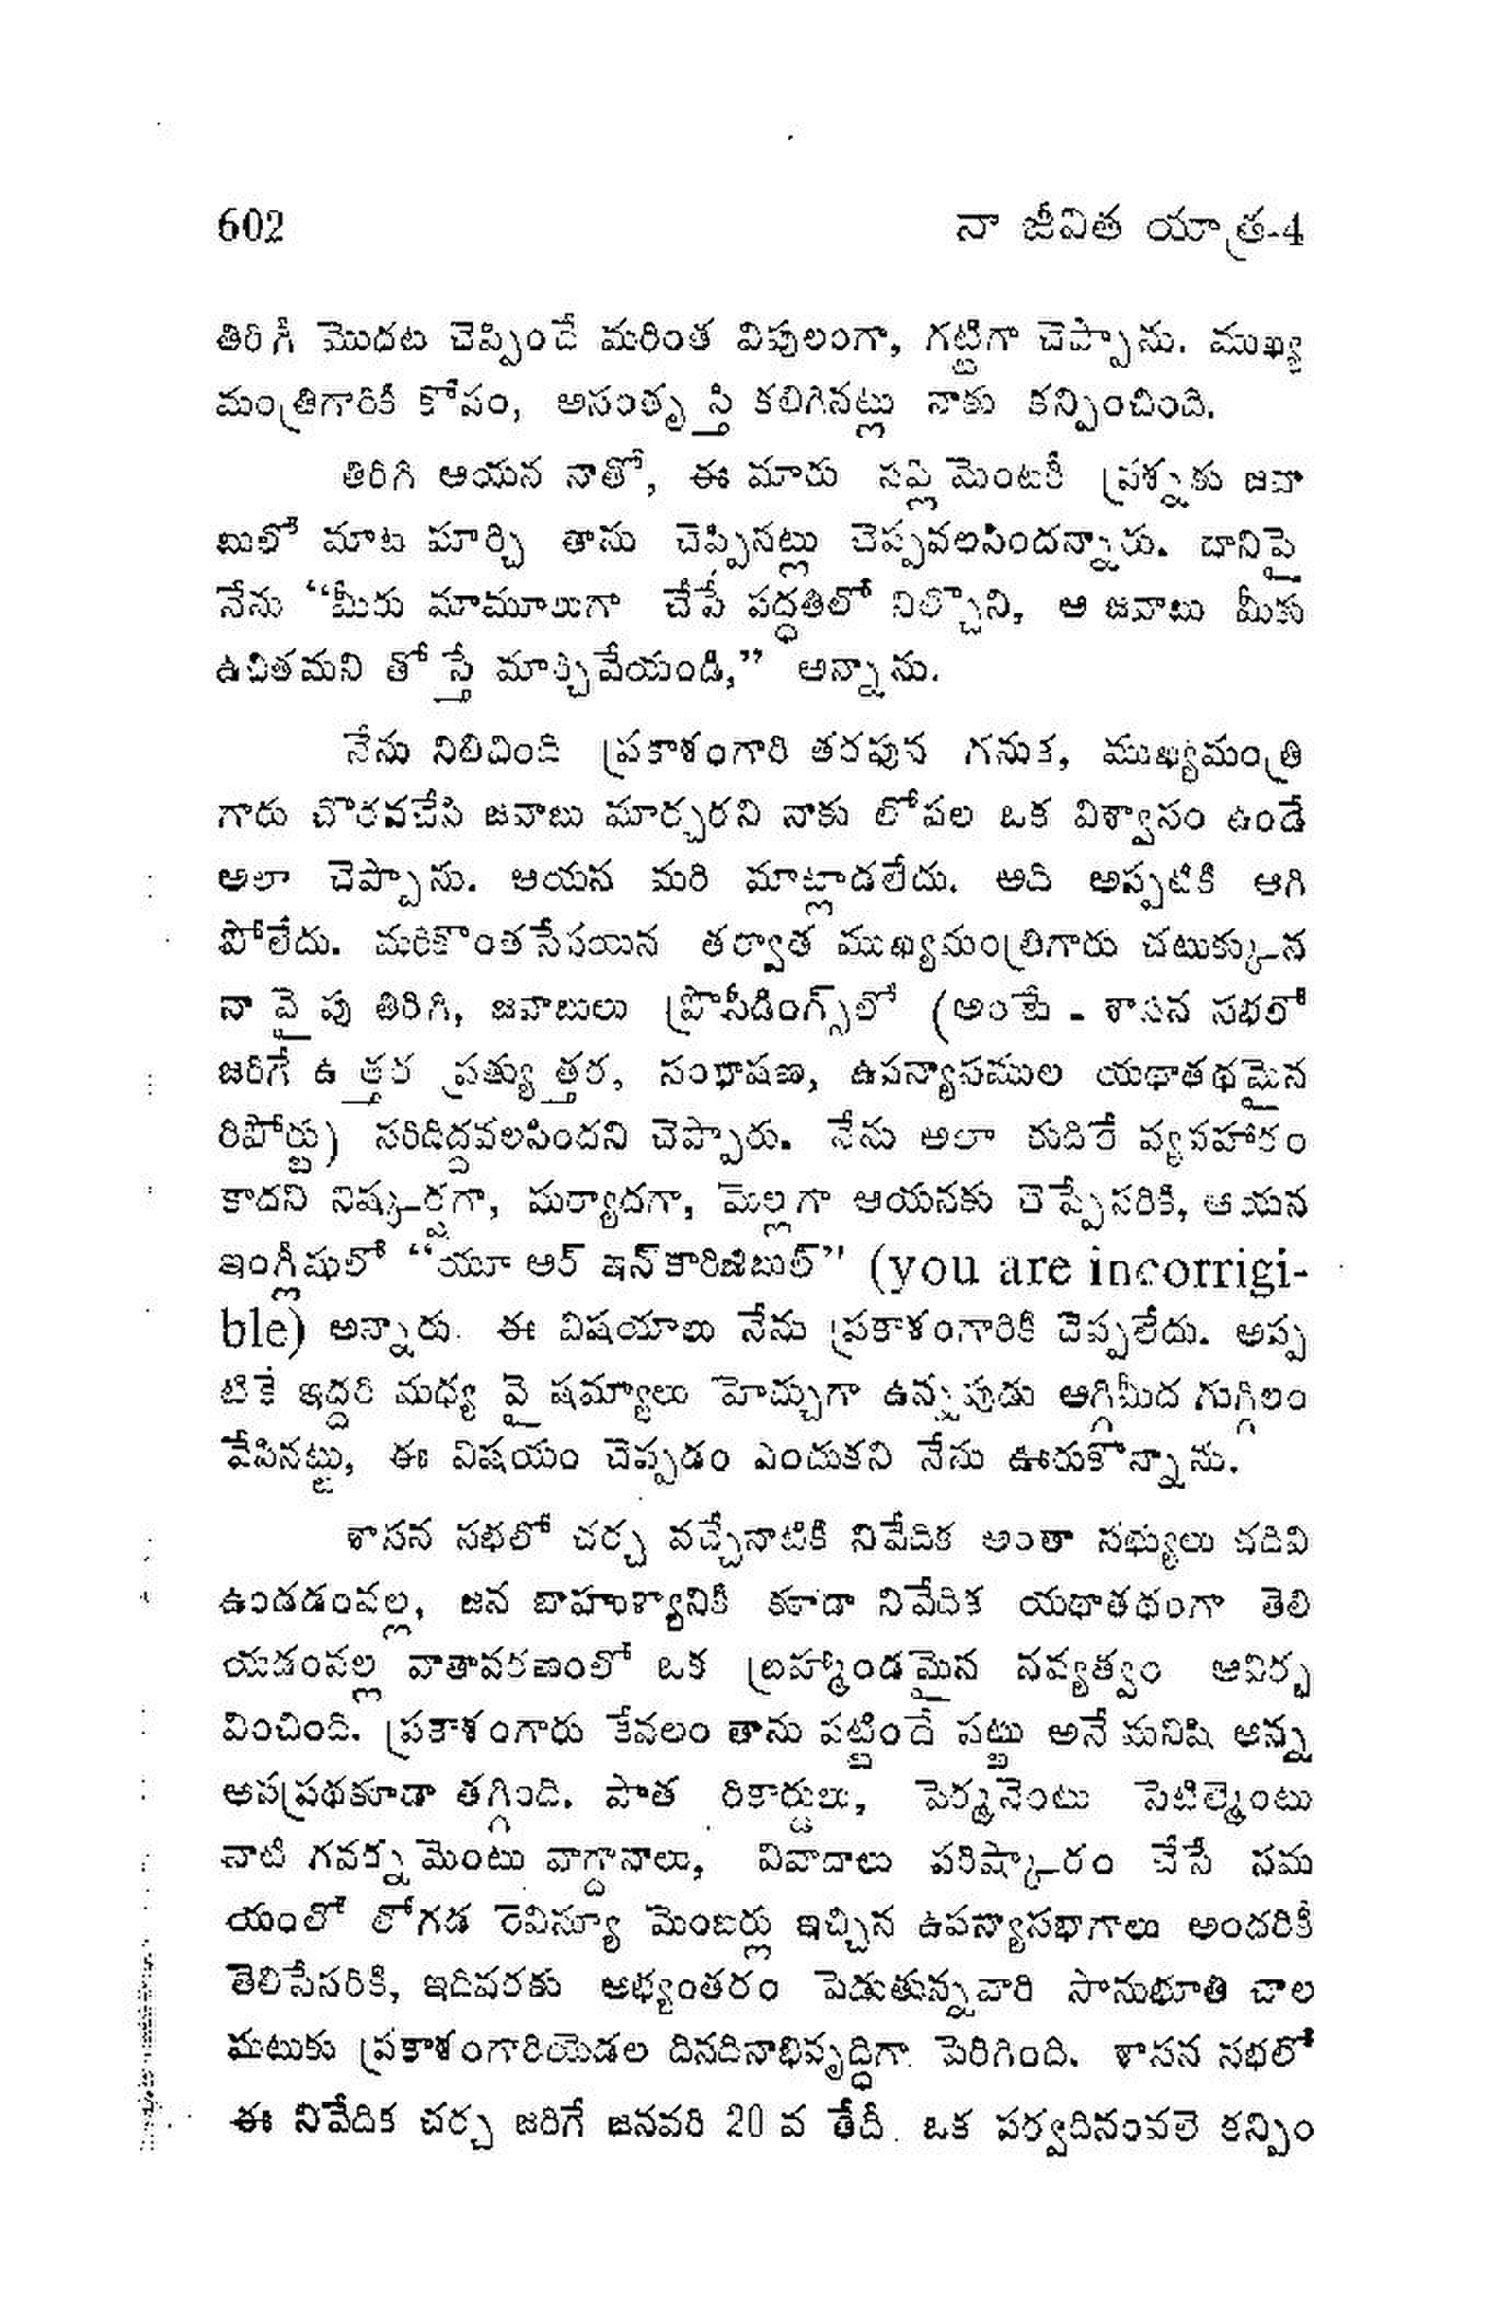తిరిగీ మొదట చెప్పిందే మరింత విపులంగా, గట్టిగా చెప్పాను. ముఖ్యమంత్రిగారికి కోపం, అసంతృప్తి కలిగినట్లు నాకు కన్పించింది.

తిరిగి ఆయన నాతో, ఈ మారు సప్లిమెంటరీ ప్రశ్నకు జవాబులో మాట మార్చి తాను చెప్పినట్లు చెప్పవలసిందన్నారు. దానిపై నేను "మీరు మామాలుగా చేసే పద్ధతిలో నిల్చొని, ఆ జవాబు మీకు ఉచితమని తోస్తే మార్చివేయండి," అన్నాను.

నేను నిలిచింది ప్రకాశంగారి తరపున గనుక, ముఖ్యమంత్రిగారు చొరవచేసి జవాబు మార్చరని నాకు లోపల ఒక విశ్వాసం ఉండే అలా చెప్పాను. ఆయన మరి మాట్లాడలేదు. అది అప్పటికి ఆగిపోలేదు. మరికొంత సేపయిన తర్వాత ముఖ్యమంత్రిగారు చటుక్కున నా వైపు తిరిగి, జవాబులు ప్రొసీడింగ్స్‌లో (అంటే - శాసన సభలో జరిగే ఉత్తర ప్రత్యుత్తర, సంభాషణ, ఉపన్యాసముల యథాతథమైన రిపోర్టు) సరిదిద్దవలసిందని చెప్పారు. నేను అలా కుదిరే వ్యవహారం కాదని నిష్కర్షంగా, మర్యాదగా, మెల్లగ ఆయనకు చెప్పేసరికి, ఆయన ఇంగ్లీషులో "యూ ఆర్ ఇన్‌కారిజిబుల్ (you are incorrigible) అన్నారు. ఈ విషయాలు నేను ప్రకాశంగారికి చెప్పలేదు. అప్పటికే ఇద్దరి మధ్య వైషమ్యాలు హెచ్చుగా ఉన్నపుడు అగ్గిమీద గుగ్గిలం వేసినట్టు, ఈ విషయం చెప్పడం ఎందుకని నేను ఊరుకొన్నాను.

శాసన సభలో చర్చ వచ్చేనాటికి నివేదిక అంతా సభ్యులు చదివి ఉండడంవల్ల, జన బాహుళ్యానికి కూడా నివేదిక యథాతథంగా తెలియడంవల్ల వాతావరణంలో ఒక బ్రహ్మాండమైన నవ్యత్వం ఆవిర్భవించింది. ప్రకాశంగారు కేవలం తాను పట్టిందే పట్టు అనే మనిషి అన్న అపప్రథకూడా తగ్గింది. పాత రికార్డులు, పెర్మనెంటు సెటిల్మెంటు నాటి గవర్నమెంటు వాగ్దానాలు, వివాదాలు పరిష్కారం చేసే సమయంలో లోగడ రెవిన్యూ మెంబర్లు ఇచ్చిన ఉపన్యాసభాగాలు అందరికీ తెలిసేసరికి, ఇదివరకు అభ్యంతరం పెడుతున్నవారి సానుభూతి చాలమటుకు ప్రకాశంగారియెడల దినదినాభివృద్ధిగా పెరిగింది. శాసన సభలో ఈ నివేదిక చర్చ జరిగే జనవరి 20 వ తేదీ ఒక పర్వదినంవలె కన్పిం